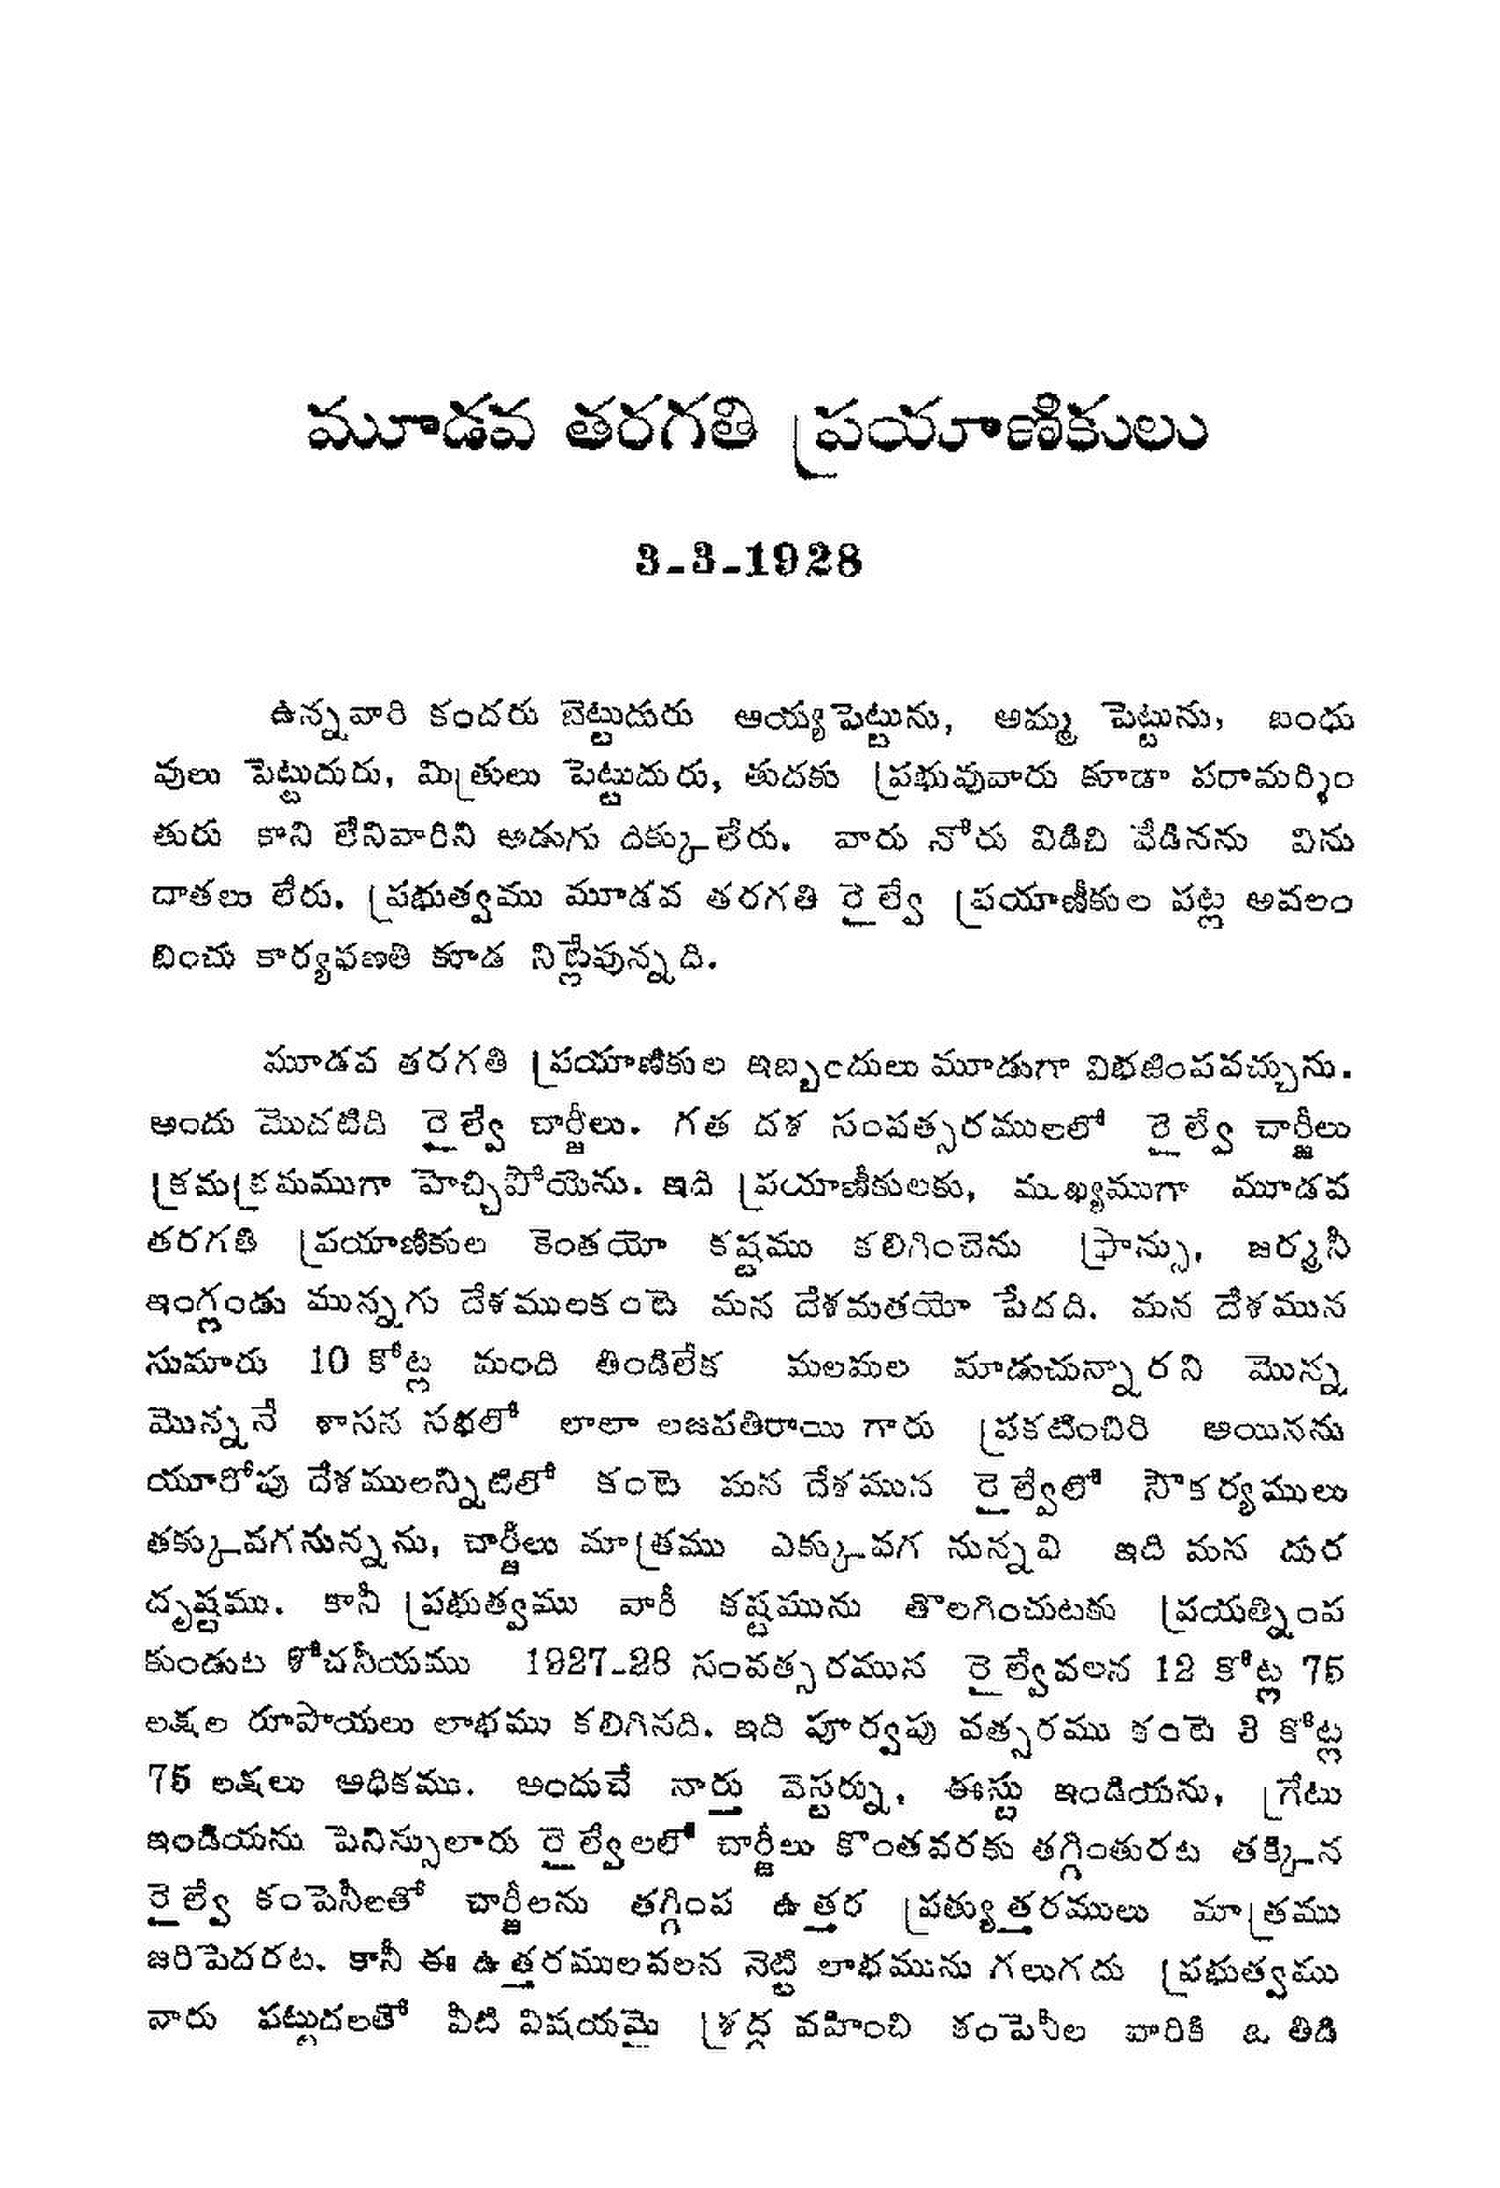మూడవ తరగతి ప్రయాణికులు

3 - 3 - 1928

ఉన్నవారి కందరు బెట్టుదురు అయ్య పెట్టును, అమ్మ పెట్టును, బంధువులు పెట్టుదురు, మిత్రులు పెట్టుదురు, తుదకు ప్రభువువారు కూడా పరామర్శింతురు కాని లేనివారిని అడుగు దిక్కులేరు. వారు నోరు విడిచి వేడినను విను
దాతలు లేరు. ప్రభుత్వము మూడవ తరగతి రైల్వే ప్రయాణీకుల పట్ల అవలంబించు కార్యఫణతి కూడ నిట్లేవున్నది.

మూడవ తరగతి ప్రయాణికుల ఇబ్బందులు మూడుగా విభజింపవచ్చును. అందు మొదటిది రైల్వే చార్జీలు. గత దశ సంవత్సరములలో రైల్వే చార్జీలు క్రమక్రమముగా హెచ్చిపోయెను. ఇది ప్రయాణీకులకు, ముఖ్యముగా మూడవ
తరగతి ప్రయాణికుల కెంతయో కష్టము కలిగించెను ఫ్రాన్సు, జర్మనీ ఇంగ్లండు మున్నగు దేశములకంటె మన దేశమెంతయో పేదది. మన దేశమున సుమారు 10 కోట్ల మంది తిండిలేక మలమల మాడుచున్నారని మొన్న మొన్ననే శాసన సభలో లాలా లజపతిరాయి గారు ప్రకటించిరి అయినను యూరోపు దేశములన్నిటిలో కంటె మన దేశమున రైల్వేలో సౌకర్యములు తక్కువగనున్నను, చార్జీలు మాత్రము ఎక్కువగ నున్నవి ఇది మన దురదృష్టము. కానీ ప్రభుత్వము వారి కష్టమును తొలగించుటకు ప్రయత్నింప కుండుట శోచనీయము 1927-28 సంవత్సరమున రైల్వేవలన 12 కోట్ల 75 లక్షల రూపాయలు లాభము కలిగినది. ఇది పూర్వపు వత్సరము కంటె 3 కోట్ల 75 లక్షలు అధికము. అందుచే నార్తు వెస్టర్ను, ఈస్టు ఇండియను, గ్రేటు ఇండియను పెనిన్సులారు రైల్వేలలో చార్జీలు కొంతవరకు తగ్గింతురట తక్కిన రైల్వే కంపెనీలతో చార్జీలను తగ్గింప ఉత్తర ప్రత్యుత్తరములు మాత్రము జరిపెదరట. కానీ ఈ ఉత్తరములవలన నెట్టి లాభమును గలుగదు ప్రభుత్వమువారు పట్టుదలతో వీటి విషయమై శ్రద్ధ వహించి కంపెనీల వారికి ఒత్తిడి